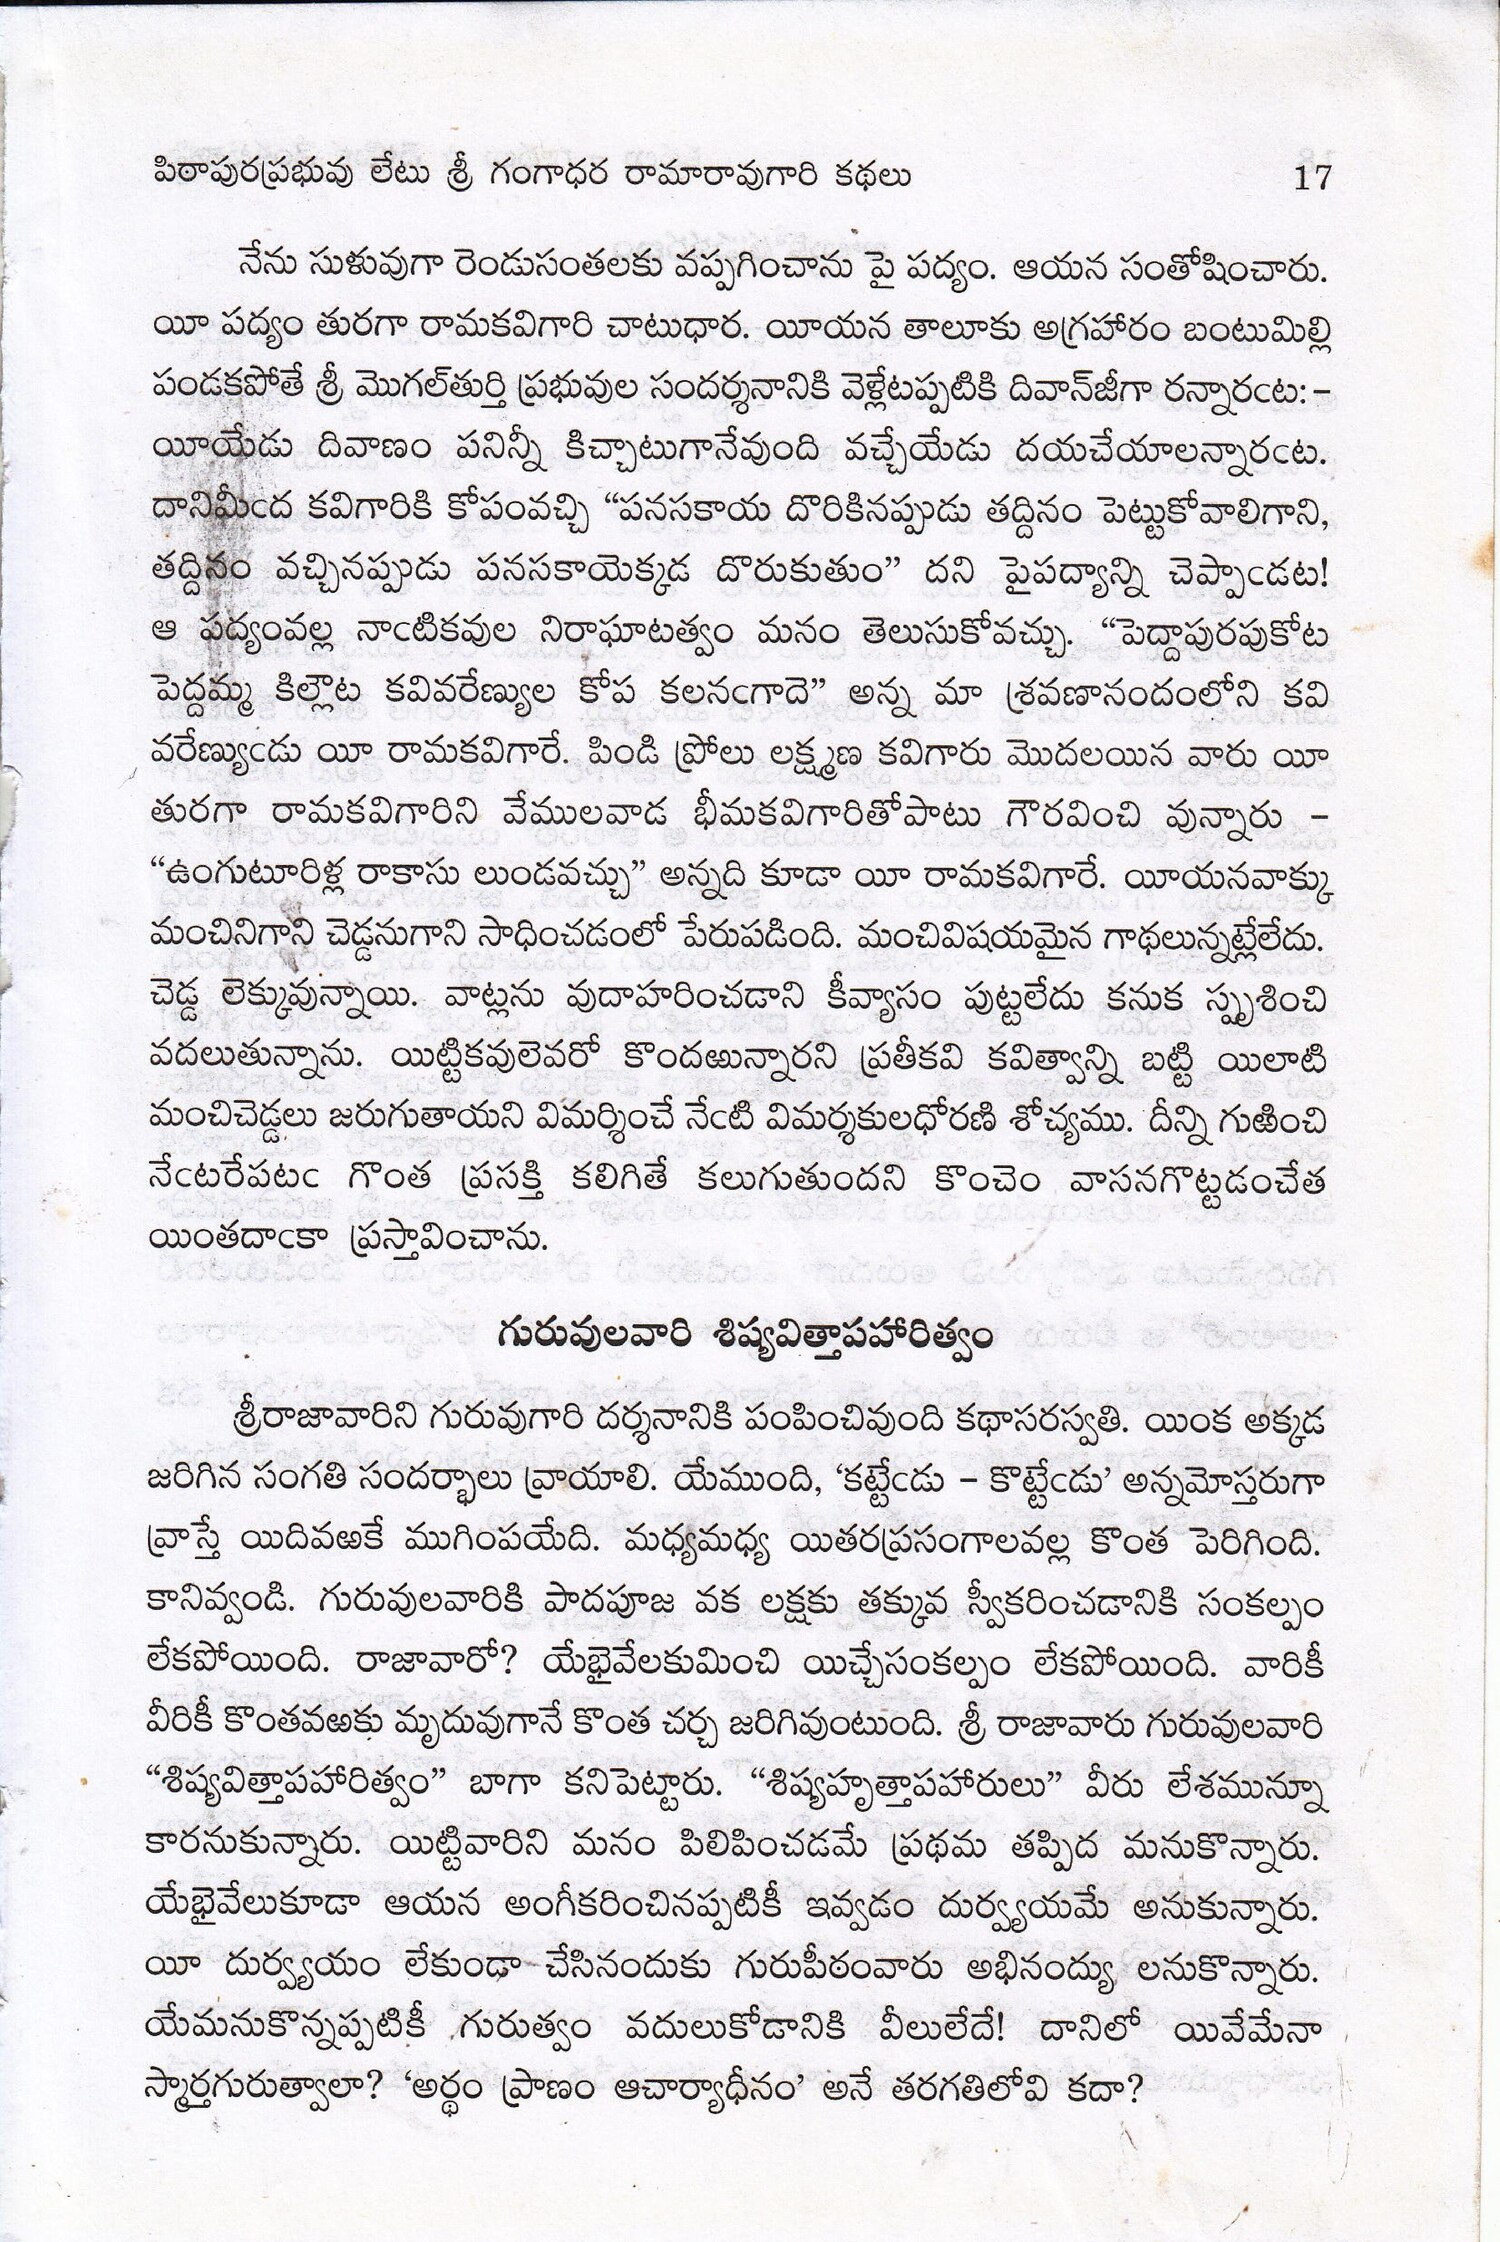నేను సుళువుగా రెండుసంతలకు వప్పగించాను పై పద్యం. ఆయన సంతోషించారు. యీ పద్యం తురగా రామకవిగారి చాటుధార, యీయన తాలూకు అగ్రహారం బంటుమిల్లి పండకపోతే శ్రీ మొగల్‌తుర్తి ప్రభువుల సందర్శనానికి వెళ్లేటప్పటికి దివాన్జీగా రన్నారఁట:- యీ యేడు దివాణం పనిన్నీ కిచ్చాటుగానేవుంది వచ్చేయేడు దయచేయాలన్నారఁట. దానిమీద కవిగారికి కోపంవచ్చి “పనసకాయ దొరికినప్పుడు తద్దినం పెట్టుకోవాలిగాని, తద్దినం వచ్చినప్పుడు పనసకాయెక్కడ దొరుకుతుం” దని పైపద్యాన్ని చెప్పాడఁట! ఆ పద్యంవల్ల నాటికవుల నిరాఘాటత్వం మనం తెలుసుకోవచ్చు. "పెద్దాపురపుకోట పెద్దమ్మ కిల్లౌట కవివరేణ్యుల కోప కలనఁగాదె" అన్న మా శ్రవణానందంలోని కవి వరేణ్యుఁడు యీ రామకవిగారే. పిండి ప్రోలు లక్ష్మణ కవిగారు మొదలయిన వారు యీ తురగా రామకవిగారిని వేములవాడ భీమకవిగారితోపాటు గౌరవించి వున్నారు - "ఉంగుటూరిళ్ల రాకాసు లుండవచ్చు" అన్నది కూడా యీ రామకవిగారే, యీయనవాక్కు మంచినిగానీ చెడ్డనుగాని సాధించడంలో పేరుపడింది. మంచివిషయమైన గాథలున్నట్లేలేదు. చెడ్డ లెక్కువున్నాయి. వాట్లను వుదాహరించడాని కీవ్యాసం పట్టలేదు కనుక స్పృశించి వదలుతున్నాను. యిట్టికవులెవరో కొందఱున్నారని ప్రతీకవి కవిత్వాన్ని బట్టి యిలాటి మంచిచెడ్డలు జరుగుతాయని విమర్శించే నేఁటి విమర్శకులధోరణి శోచ్యము. దీన్ని గుఱించి నేఁటరేపటఁ గొంత ప్రసక్తి కలిగితే కలుగుతుందని కొంచెం వాసనగొట్టడంచేత యింతదాఁకా ప్రస్తావించాను.

శ్రీరాజావారిని గురువుగారి దర్శనానికి పంపించివుంది కథాసరస్వతి. యింక అక్కడ జరిగిన సంగతి సందర్భాలు వ్రాయాలి. యేముంది, కట్టేఁడు - కొట్టేఁడు అన్నమోస్తరుగా వ్రాస్తే యిదివఱకే ముగింపయేది. మధ్యమధ్య యితరప్రసంగాలవల్ల కొంత పెరిగింది. కానివ్వండి. గురువులవారికి పాదపూజ వక లక్షకు తక్కువ స్వీకరించడానికి సంకల్పం లేకపోయింది. రాజావారో? యేభైవేలకుమించి యిచ్చేసంకల్పం లేకపోయింది. వారికీ వీరికీ కొంతవఱకు మృదువుగానే కొంత చర్చ జరిగివుంటుంది. శ్రీ రాజావారు గురువులవారి “శిష్యవిత్తాపహారిత్వం” బాగా కనిపెట్టారు. “శిష్యహృత్తాపహారులు" వీరు లేశమున్నూ కారనుకున్నారు. యిట్టివారిని మనం పిలిపించడమే ప్రథమ తప్పిద మనుకొన్నారు. యేభైవేలుకూడా ఆయన అంగీకరించినప్పటికీ ఇవ్వడం దుర్వ్యయమే అనుకున్నారు. యీ దుర్వ్యయం లేకుండా చేసినందుకు గురుపీఠంవారు అభినంద్యు లనుకొన్నారు. యేమనుకొన్నప్పటికీ గురుత్వం వదులుకోడానికి వీలులేదే! దానిలో యివేమేనా
స్మార్తగురుత్వాలా? 'అర్థం ప్రాణం ఆచార్యాధీనం' అనే తరగతిలోవి కదా?